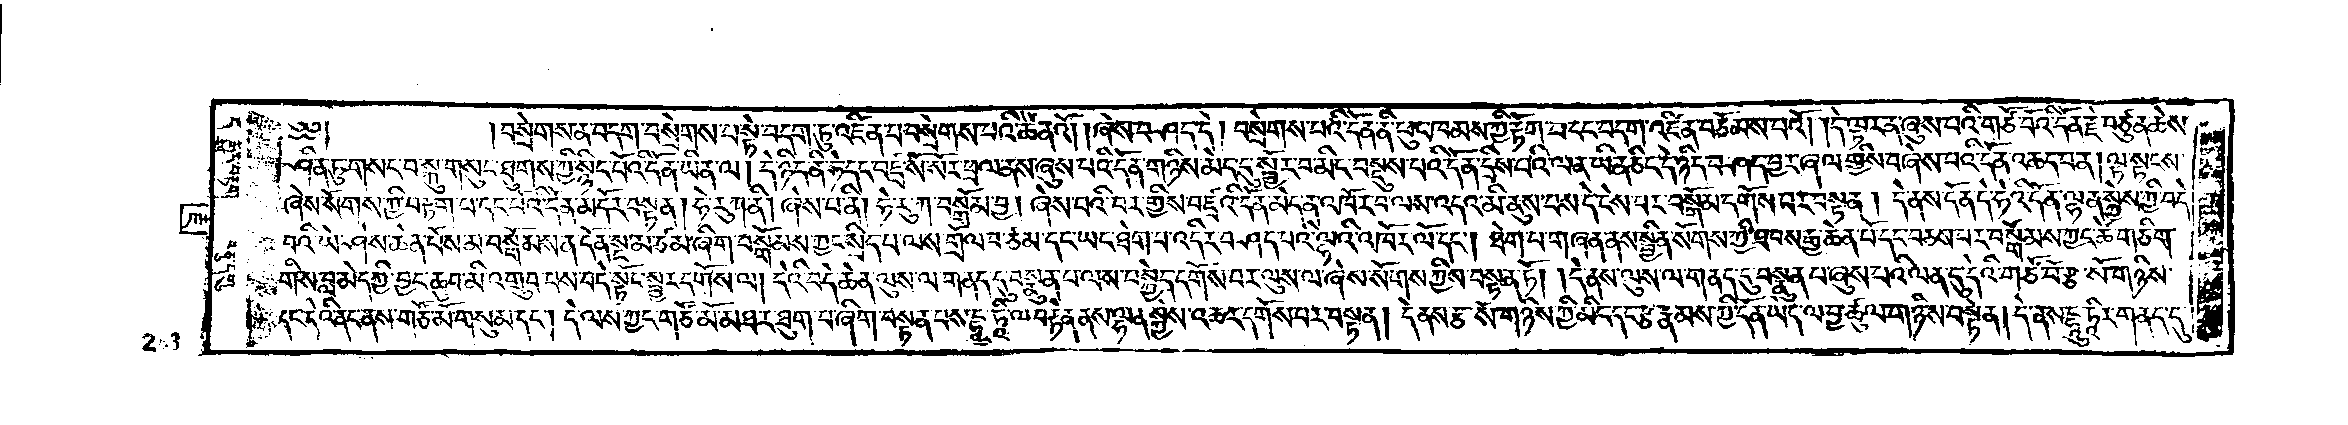༄༅། །བསྲེགས་ན་བདག་བསྲེགས་པ་སྟེ་བདག་ཏུ་འཛིན་པ་བསྲེགས་པའི་ཚེ་ནའོ། །ཞེས་བཤད་དེ། བསྲེགས་པའི་དོན་ནི་ཕུང་ཁམས་ཀྱི་རྟོག་པ་དང་བདག་འཛིན་བཅོམས་པའོ། །དེ་ལྟར་ན་ཞུས་པའི་གཙོ་བོའི་དོན་རྗེ་བཙུན་ཆེས་
ཤིན་ཏུ་གསང་བ་སྐུ་གསུང་ཐུགས་ཀྱི་སྙིང་པོའི་དོན་ཡིན་ལ། དེ་ཉིད་ནི་ཧེ་དང་བཛྲ་སོ་སོར་ཕྲལ་ནས་ཞུས་པའི་དོན་གཉིས་མེད་དུ་སྦྱོར་བ་མིང་བསྡུས་པའི་དོན་དྲིས་པའི་ལན་ཡིན་ཅིང་དེ་ཉིད་བཤད་བྱར་ཞལ་གྱིས་བཞེས་པའི་དོན་འཆད་པ་ན། ལྟ་སྟངས་
ཞེས་སོགས་ཀྱི་བརྟག་པ་དང་པོའི་དོན་མདོར་བསྟན། ཧེ་རུ་ཀ་ནི། ཞེས་པ་ནི། ཧེ་རུ་ཀ་བསྒོམ་བྱ། ཞེས་པའི་བར་གྱིས་བཛྲའི་དོན་མེད་ན་འཁོར་བ་ལས་འདའ་མི་ནུས་པས་དེ་ངེས་པར་བསྒོམ་དགོས་པར་བསྟན། དེ་ནས་དོན་དེ་ཧེའི་དོན་ལྷན་སྐྱེས་ཀྱི་བདེ་
བའི་ཡེ་ཤེས་ཆེན་པོས་མ་བསྒོམས་ན་དོན་སྔ་མ་ཙམ་ཞིག་བསྒོམས་ཀྱང་སྲིད་པ་ལས་གྲོལ་བ་ཙམ་དང་ཡང་ཐེག་པ་འདིར་བཤད་པའི་ལྷའི་འཁོར་ལོ་དང་། ཐེག་པ་གཞན་ནས་སྦྱིན་སོགས་ཀྱི་ཐབས་རྒྱ་ཆེན་པོ་དང་བཅས་པར་བསྒོམས་ཀྱང་ཚེ་གཅིག་
གིས་བླ་མེད་ཀྱི་བྱང་ཆུབ་མི་འགྲུབ་པས་བདེ་སྟོང་སྦྱར་དགོས་ལ། དེའི་བདེ་ཆེན་ལུས་ལ་གནད་དུ་བསྣུན་པ་ལས་བསྐྱེད་དགོས་པར་ལུས་ལ་ཞེས་སོགས་ཀྱིས་བསྟན་ཏོ། །དེ་ནས་ལུས་ལ་གནད་དུ་བསྣུན་པ་ཞུས་པའི་ལན་དུ་དེའི་གཙོ་བོ་རྩ་སོ་གཉིས་
དང་དེའི་ནང་ནས་གཙོ་མོ་གསུམ་དང་། དེ་ལས་ཀྱང་གཙོ་མོ་མཐར་ཐུག་པ་ཞིག་བསྟན་པས་དྷཱུ་ཏཱི་ལ་བརྟེན་ནས་ལྷན་སྐྱེས་འཆར་དགོས་པར་བསྟན། དེ་ནས་རྩ་སོ་གཉིས་ཀྱི་མིང་དང་རྩ་རྣམས་ཀྱི་དོན་ཡིད་ལ་བྱ་ཚུལ་གཉིས་བསྟེན། དེ་ནས་དྷཱུ་ཏཱིར་གནད་དུ་